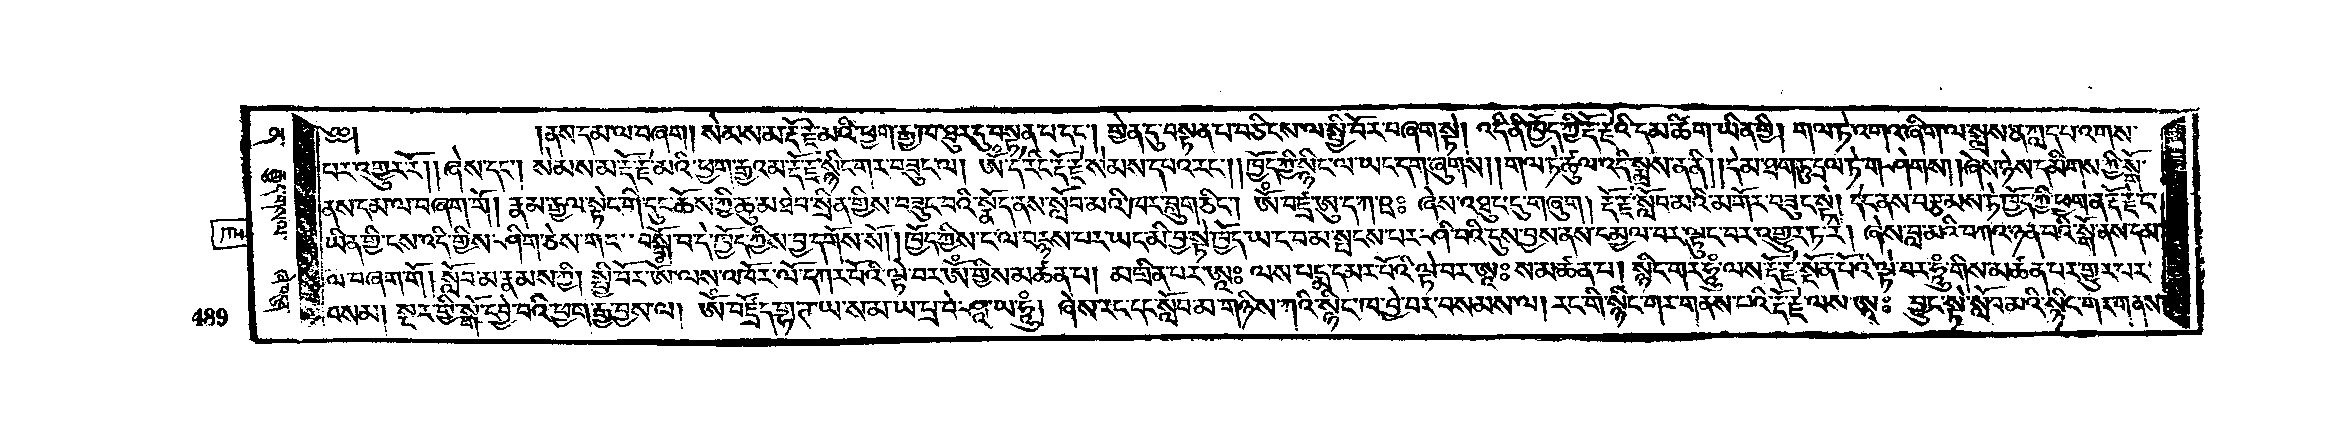༄༅། །ནས་དམ་ལ་བཞག །སེམས་མ་རྡོ་རྗེ་མའི་ཕྱག་རྒྱ་ཁ་ཐུར་དུ་བསྟན་པ་དང་། གྱེན་དུ་བསྟན་པ་བཅིངས་ལ་སྤྱི་བོར་བཞག་སྟེ། འདི་ནི་ཁྱོད་ཀྱི་རྡོ་རྗེའི་དམ་ཚིག་ཡིན་གྱི་།གལ་ཏེ་འགའ་ཞིག་ལ་སྨྲས་ན་ཀླད་པ་འགས་
པར་འགྱུར་རོ། །ཞེས་དང་། སེམས་མ་རྡོ་རྗེ་མའི་ཕྱག་རྒྱའམ་རྡོ་རྗེ་སྙིང་གར་བཟུང་ལ། ཨོཾ་དེ་རིང་རྡོ་རྗེ་སེམས་དཔའ་རང་། །ཁྱོད་ཀྱི་སྙིང་ལ་ཡང་དག་ཞུགས། །གལ་ཏེ་ཚུལ་འདི་སྨྲས་ན་ནི། །དེ་མ་ཐག་ཏུ་དྲལ་ཏེ་གཤེགས། །ཞེས་ཉེས་དམིགས་ཀྱི་སྒོ་
ནས་དམ་ལ་བཞག་གོ །རྣམ་རྒྱལ་སྟེང་གི་དུང་ཆོས་ཀྱི་ཆུ་མཐེབ་སྲིན་གྱིས་བཟུང་བའི་སྣོད་ནས་སློབ་མའི་ཁར་བླུག་ཅིང་། ཨོཾ་བཛྲ་ཨུ་ད་ཀ་ཊཿཨཿ ཞེས་འཐུང་དུ་གཞུག །རྡོ་རྗེ་སློབ་མའི་མགོར་བཟུང་སྟེ། དེང་ནས་བརྩམས་ཏེ་ཁྱོད་ཀྱི་ཕྱག་ན་རྡོ་རྗེ་ང་
ཡིན་གྱི་ངས་འདི་གྱིས་ཤིག་ཅེས་གང་བསྒོ་བ་དེ་ཁྱོད་ཀྱིས་བྱ་དགོས་སོ། །ཁྱོད་ཀྱིས་ང་ལ་བརྙས་པར་ཡང་མི་བྱ་སྟེ་ཁྱོད་ཡང་བ་མ་སྤངས་པར་ཤི་བའི་དུས་བྱས་ནས་དམྱལ་བར་ལྟུང་བར་འགྱུར་ཏ་རེ། ཞེས་བླ་མའི་བཀའ་ཉན་པའི་སྒོ་ནས་དམ་
ལ་བཞག་གོ །སློབ་མ་རྣམས་ཀྱི། སྤྱི་བོར་ཨོཾ་ལས་འཁོར་ལོ་དཀར་པོའི་སྟེ་བར་ཨོཾ་གྱིས་མཚན་པ། མགྲིན་པར་ཨཱཿ ལས་པདམ་དམར་པོའི་ལྟེ་བར་ཨཱཿ ས་མཚན་པ། སྙིང་གར་ཧཱུཾ་ལས་རྡོ་རྗེ་སྔོན་པོའི་ལྟེ་བར་ཧཱུཾ་གིས་མཚན་པར་གྱུར་པར་
བསམ། སྔར་གྱི་སྒོ་དབྱེ་བའི་ཕྱག་རྒྱ་བྱས་ལ། ཨོཾ་བཛྲོད་གྷ་ཊ་ཡ་ས་མ་ཡ་པྲ་བ་ཤཱ་ཡ་ཧཱུཾ། ཞེས་རང་དང་སློབ་མ་གཉིས་ཀའི་སྙིང་ཁ་བྱེ་བར་བསམས་ལ། རང་གི་སྙིང་གར་གནས་པའི་རྡོ་རྗེ་ལས་ཨཱཿ བྱུང་སྟེ་སློབ་མའི་སྙིང་གར་གནས་